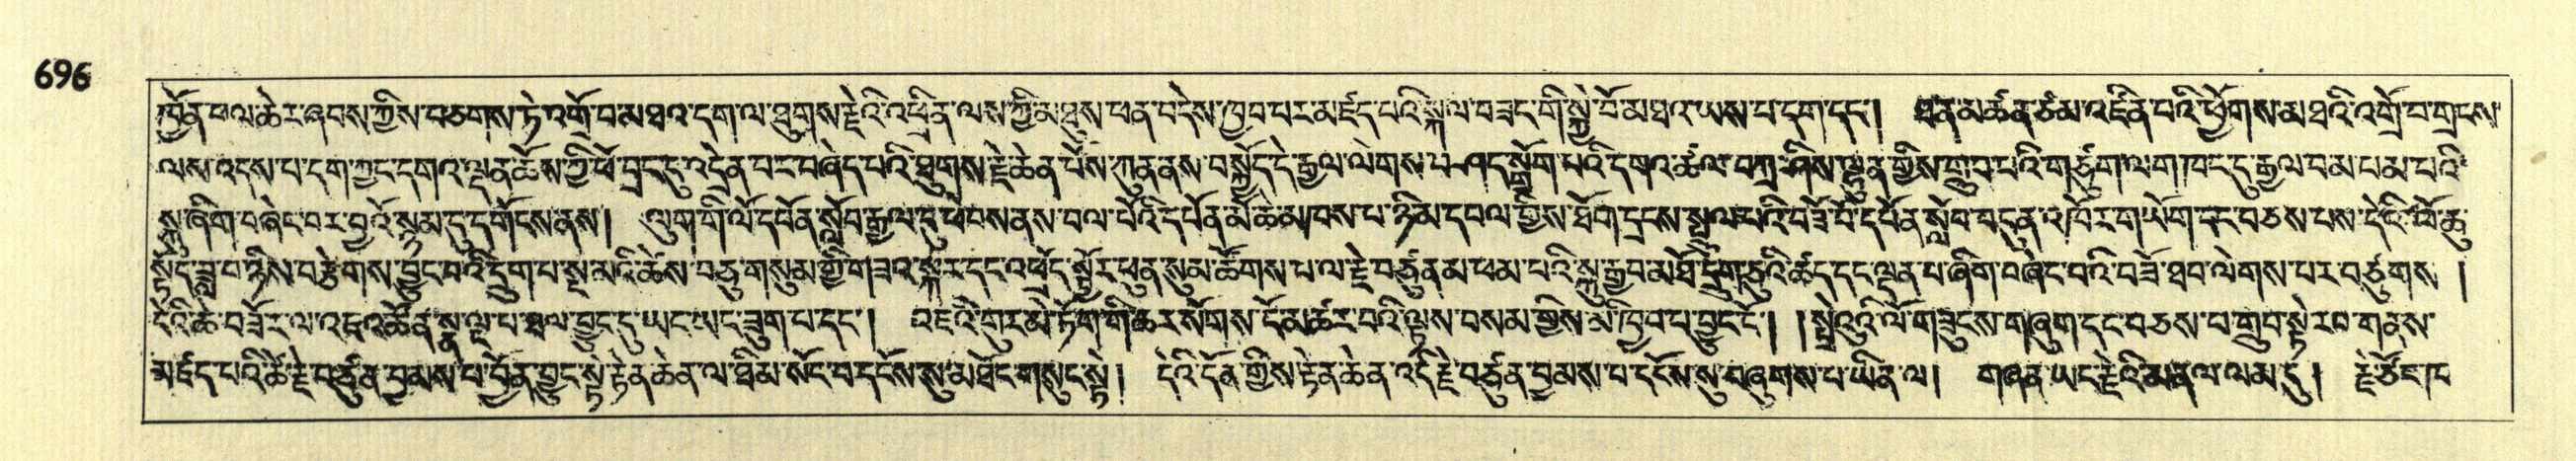ཁྱོན་ཕལ་ཆེར་ཞབས་ཀྱིས་བཅགས་ཏེ་འགྲོ་བ་མཐའ་དག་ལ་ཐུགས་རྗེའི་འཕྲིན་ལས་ཀྱི་མཐུས་ཕན་བདེས་ཁྱབ་པར་མཛད་པའི་སྐལ་བཟང་གི་སྐྱེ་བོ་མཐའ་ཡས་པ་དག་དང་། ཐན་མཚན་ཙམ་འཛིན་བའི་ཕྱོགས་མཐའ་འགྲོ་བ་གྲངས་
ལས་འདས་པ་དག་ཀྱང་དགའ་ལྡན་ཆོས་ཀྱི་ཕོ་བྲང་དུ་འདྲེན་བར་བཞེད་པའི་ཐུགས་རྗེ་ཆེན་པོས་ཀུན་ནས་བསྐྱོད་དེ་རྒྱལ་ལེགས་བཤད་སྒྲོག་པའི་དགའ་ཚལ་བཀྲ་ཤིས་ལྷུན་གྱིས་གྲུབ་པའི་གཙུག་ལག་ཁང་དུ་རྒྱལ་བམ་ཕམ་པའི་
སྐུ་ཞིག་བཞེང་བར་བྱའོ་སྙམ་དུ་དགོངས་ནས། ལུག་གི་ལོ་དཔོན་སློབ་རྒྱལ་དུ་ཕེབས་ནས་བལ་པོའི་དཔོན་མོ་ཆེ་མཁས་པ་ཉི་མ་དཔལ་གྱིས་ཐོག་དྲངས་སྤྲུལ་པའི་བཟོ་བོ་དཔོན་སློབ་བདུན་འཁོར་གཡོག་དང་བཅས་པས་དེའི་ལོ་ཆུ་
སྟོད་ཟླ་བ་ཉིས་བརྩེགས་བྱུང་བའི་དྲུག་པ་སྔ་མའི་ཚེས་བཅུ་གསུམ་གྱི་གཟའ་སྐར་དང་འཕྲོད་སྦྱོར་ཕུན་སུམ་ཚོགས་པ་ལ་རྗེ་བཙུན་མ་ཕམ་པའི་སྐུ་རྒྱབ་མཐོ་དྲུག་ཅུའི་ཚད་དང་ལྡན་པ་ཞིག་བཞེང་བའི་བཟོ་ཐབ་ལེགས་པར་བཙུགས།
དེའི་ཆེ་བཟོར་ལ་འཇའ་ཚོན་སྣ་ལྔ་པ་ཐལ་བྱུང་དུ་ཡང་ཡང་ཟུག་པ་དང་། འཇའི་གུར་མེ་ཏོག་གི་ཆར་སོགས་ངོ་མཚར་བའི་ལྟས་བསམ་གྱིས་མི་ཁྱབ་པ་བྱུང་ངོ། །སྤྲེའུའི་ལོ་གཟུངས་གཞུག་དང་བཅས་པ་གྲུབ་སྟེ་རབ་གནས་
མཛད་པའི་ཚེ་རྗེ་བཙུན་བྱམས་པ་བྱོན་བྱུང་སྟེ་རྟེན་ཆེན་ལ་ཐིམ་སོང་བ་དངོས་སུ་མཐོང་གསུང་སྟེ། དེའི་དོན་གྱིས་རྟེན་ཆེན་འདི་རྗེ་བཙུན་བྱམས་པ་དངོས་སུ་བཞུགས་པ་ཡིན་ལ། གཞན་ཡང་རྗེའི་མནལ་ལམ་དུ། རྗེ་ཙོང་ཁ་